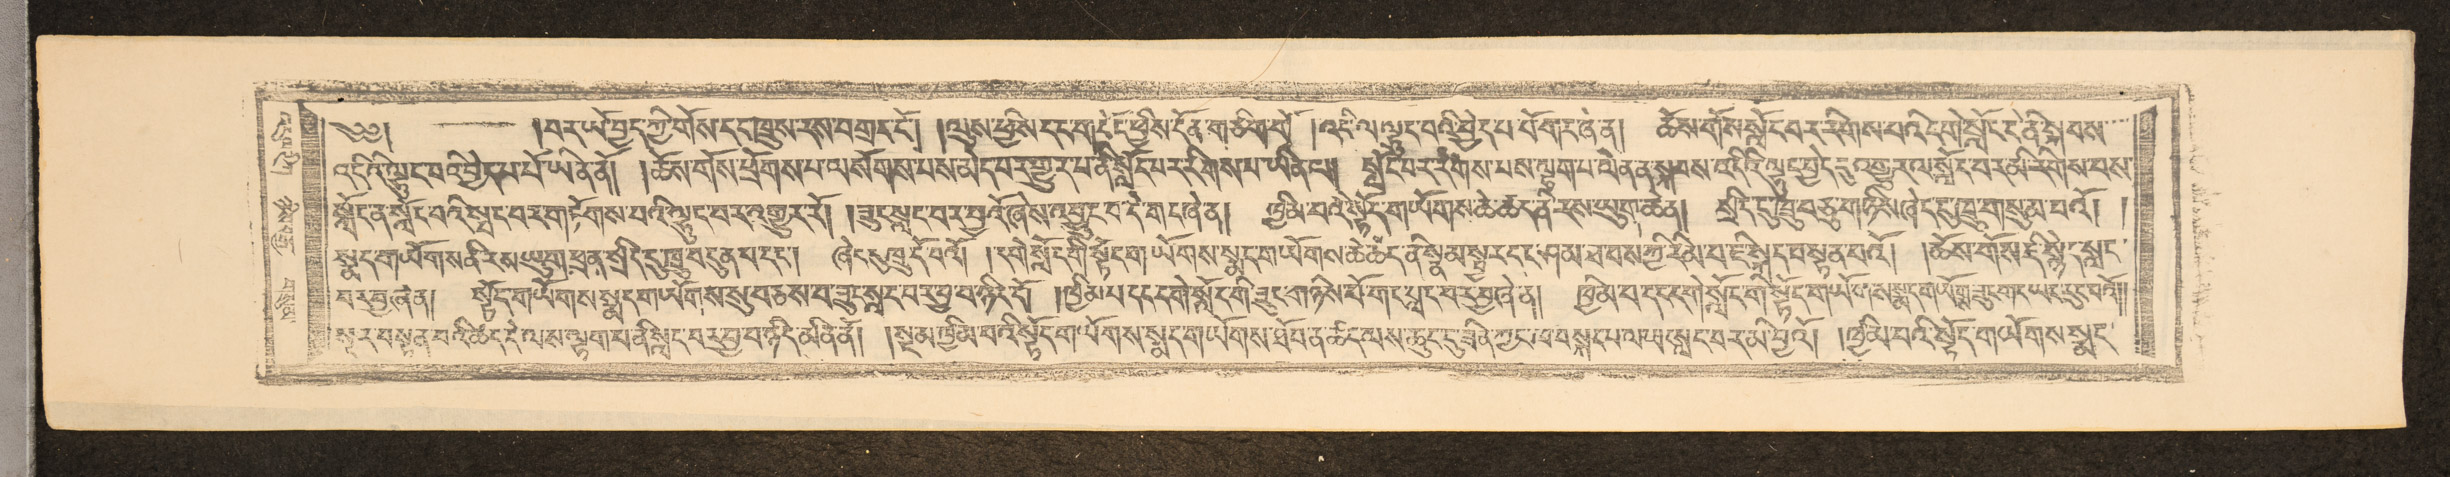༄༅། །བར་ཡོ་བྱད་ཀྱི་གོས་དང་ཁྲུས་རས་བགྲད་ངོ། །ལུས་ཕྱིས་དང་གདོང་ཕྱིས་དོན་གཅིག་གོ །འདི་ལ་ལྟུང་བའི་བྱེད་བ་པོ་གང་ཞེ་ན། ཆོས་གོས་སློང་བར་རིགས་པའི་དགེ་སློང་དེ་ནི་སྐབས་
འདིའི་ལྟུང་བའི་བྱེད་པ་པོ་ཡིན་ནོ། །ཆོས་གོས་ཕྲོགས་པ་པ་སོགས་བས་མེད་པར་གྱུར་བ་ནི་སློང་བར་རིགས་པ་ཡིན་ལ། སློང་བར་རིགས་པས་ལྷག་བ་ལེན་ན་སྐབས་འདིའི་ལྟུང་བྱེད་དུ་འགྱུར་ལ་སློང་བར་མི་རིགས་པས་
སློང་ན་སློང་བའི་སྤད་བར་གཏོགས་པའི་ལྟུང་བར་འགྱུར་རོ། །ཟུང་སླང་བར་བྱའོ་ཞེས་འབྱུང་བ་དེ་གང་ཞེ་ན། ཁྱིམ་བའི་སྟོད་གཡོགས་ཆེ་ཚད་ནི་རས་ཡུག་ཆེན། སྲིད་དུ་ཁྲུ་བཅུ་གཉིས་ཞེང་དུ་ཁྲུ་གསུམ་པའོ། །
སྨད་གཡོགས་ནི་རས་ཡུག་ཕྲན་སྲིད་དུ་ཁྲུ་བདུན་པ་དང་། ཞེང་དུ་ཁྲུ་དོ་བའོ། །དགེ་སློང་གི་སྟོད་གཡོགས་སྨད་གཡོགས་ཆེ་ཚང་ནི་སྣམ་སྦྱར་དང་ཤམ་ཐབས་ཀྱི་རིམ་པ་ཇི་སྐད་བསྟན་པའོ། །ཆོས་གོས་ཇི་སྙེད་སླང་
བར་བྱ་ཞེ་ན། སྟོད་གཡོགས་སྨད་གཡོགས་སུ་བཅས་བ་ཟུང་སླང་བར་བྱ་བ་ཉིད་དོ། །ཁྱིམ་བ་དང་དགེ་སློང་གི་ཟུང་གཉིས་བོ་གང་སླང་བར་བྱ་ཞེ་ན། ཁྱིམ་པ་དང་དགེ་སློང་གི་སྟོད་གཡོགས་སྨད་གཡོགས་ཟུང་གང་ཡང་རུང་བའོ། །
སྔར་བསྟན་པའི་ཚད་དེ་ལས་ལྷག་བ་ནི་སླང་བར་བྱ་བ་ཉིད་མིན་ནོ། །སྔ་མ་ཁྱིམ་པའི་སྟོད་གཡོགས་སྨད་གཡོགས་ཐོབ་ན་ཚད་ལས་ཆུང་དུ་ཟིན་ཀྱང་ཁ་བསྐང་བ་ལ་ཡང་སྨད་བར་མི་བྱའོ། །ཁྱིམ་པའི་སྟོད་གཡོགས་སླང་